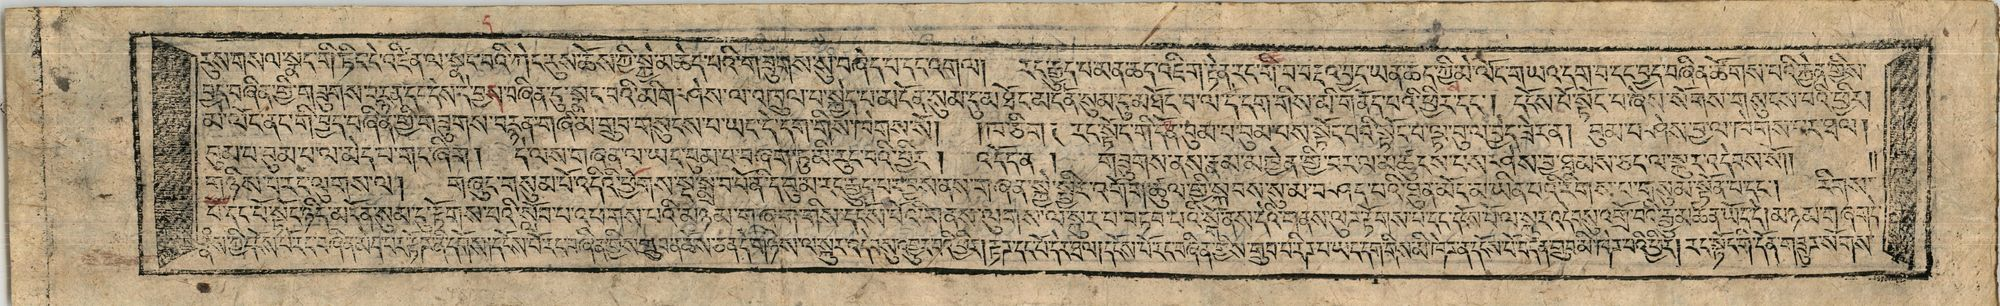རུས་གསལ་སྣང་གི་ཏིང་ངེ་འཛིན་ལ་སྣང་བའི་ཀེང་རུས་ཆོས་ཀྱི་སྐྱེ་མཆེད་པའི་གཟུགས་སུ་བཞེད་པ་དང་འགལ། རང་རྒྱུད་པ་མན་ཆད་འཇིག་རྟེན་རང་ག་བ་བརྡའ་བྱང་ཡན་ཆད་ཀྱི་མེ་ལོང་གཡའ་དག་པ་དང་བྱད་བཞིན་ཚོགས་པའི་རྐྱེན་གྱིས་
བྱད་བཞིན་གྱི་གཟུགས་བརྙན་དང་དེས་དེ་བྱད་བཞིན་དུ་སྣང་བའི་མིག་ཤེས་ལ་འཁྲུལ་བ་སྐྱེད་པ་མངོན་སུམ་དུ་མཐོང་མངོན་སུམ་དུ་མཐོང་བ་ལ་ད་དག་གིས་མི་གནོད་པའི་ཕྱིར་དང་། དངོས་པོ་སྟོང་པ་ཞེས་སོགས་གསུངས་པའི་ཕྱིར།
མ་ལོང་ནང་གི་བྱད་བཞིན་གྱི་གཟུགས་བརྙན་གཞི་མ་གྲུབ་གསུངས་པ་ཡང་དེ་དག་གིས་ཁེགས་སོ། །ཁ་ཅིག ། རང་སྟོང་གི་དོན་བུམ་པ་བུམ་པས་སྟོང་བའི་སྟོང་བ་ལྟ་བུ་ལ་བྱེད་ཟེར་ན། བུམ་པ་ཤེས་བྱ་ལ་ཁེགས་པར་ཐལ།
བུམ་པ་བུམ་པ་ལ་མེད་པ་གང་ཞིག ། དེ་ལས་གཞན་ལ་ཡང་བུམ་པ་བཞག་ཏུ་མི་རུང་བའི་ཕྱིར། འདོད་ན། གཟུགས་ནས་རྣམ་མཁྱེན་གྱི་བར་ལ་མཚུངས་པས་ཤེས་བྱ་ཐམས་ཅད་ལ་སྐུར་འདེབས་སོ།། །།
གཉིས་པ་རང་ལུགས་ལ། གཞུང་གསུམ་པོ་འདིའི་ཕྱོགས་སྔ་སྨྲ་བ་པོ་ནི་དབུ་མ་རང་རྒྱུད་པར་བྱས་ནས་གཞན་སྐྱེ་སྤྱིར་འགོག་ཚུལ་གྱི་སྐབས་སུ་མ་བཤད་པའི་ཐུན་མོང་མ་ཡིན་པའི་རིགས་པ་གསུམ་སྟོན་པ་དང་། རིགས་
པ་དང་པོ་སྟོང་ཉིད་མངོན་སུམ་དུ་རྟོགས་པའི་སློབ་པ་འཕགས་པའི་མཉམ་གཞག་གིས་དངོས་པོའི་གནས་ལུགས་ལ་སྐུར་བ་བཏབ་པའི་སྒོ་ནས་དེའི་གནས་ལུཌ་རྟོགས་པ་དང་དངོས་པོ་ལ་སྐུར་འདེབས་སུ་འགྲོ་བའི་རྒྱུ་མཚན་ཡོད་དེ། མཉམ་གཞག་དེ་
རྣཾས་ཀྱི་དངོས་པོ་རང་བཞིན་མེད་པར་རྟོགས་ནི་དགོས། དངོས་པོ་རང་བཞིན་གྱིས་གྲུབ་ན་ཆོས་ཅན་དེ་གཉིས་ལ་སྐུར་འདེབས་སུ་འགྱུར་བའི་ཕྱིར། རྟགས་དང་པོ་དེར་ཐལ། དངོས་པོ་རང་བཞིན་གྱིས་གྲུབ་པ་རིགས་པ་ཡང་དག་གིས་མི་ཁེགས་ན་དངོས་པོ་བདེན་གྲུབ་མི་ཁེཌ་པའི་ཕྱིར། རང་སྟོང་གི་དོན་གཟུགས་སོགས་